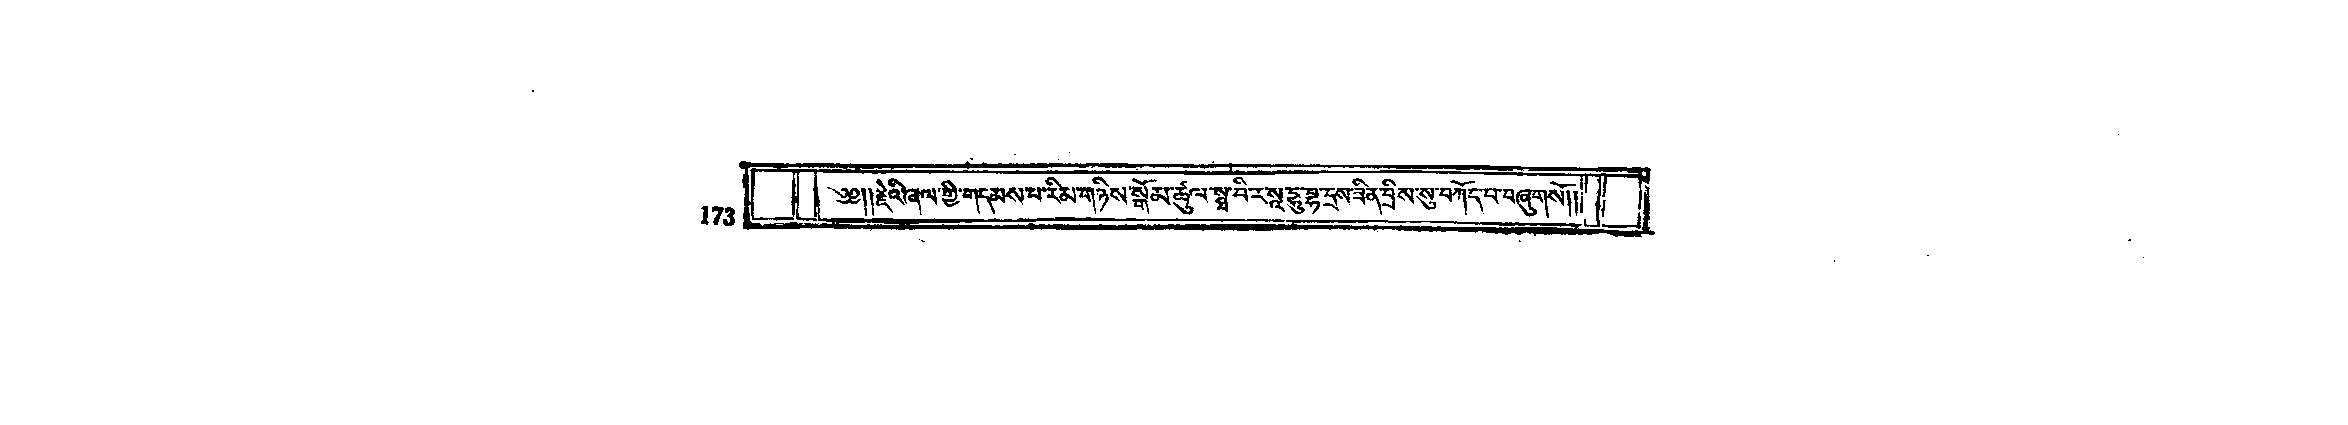༄༅། །རྗེའི་ཞལ་གྱི་གདམས་པ་རིམ་གཉིས་སྒོམ་ཚུལ་སྠ་བི་ར་སཱ་དྷུ་བྷྱ་བྷ་དྲས་ཟིན་བྲིས་སུ་བཀོད་པ་བཞུགས་སོ།།